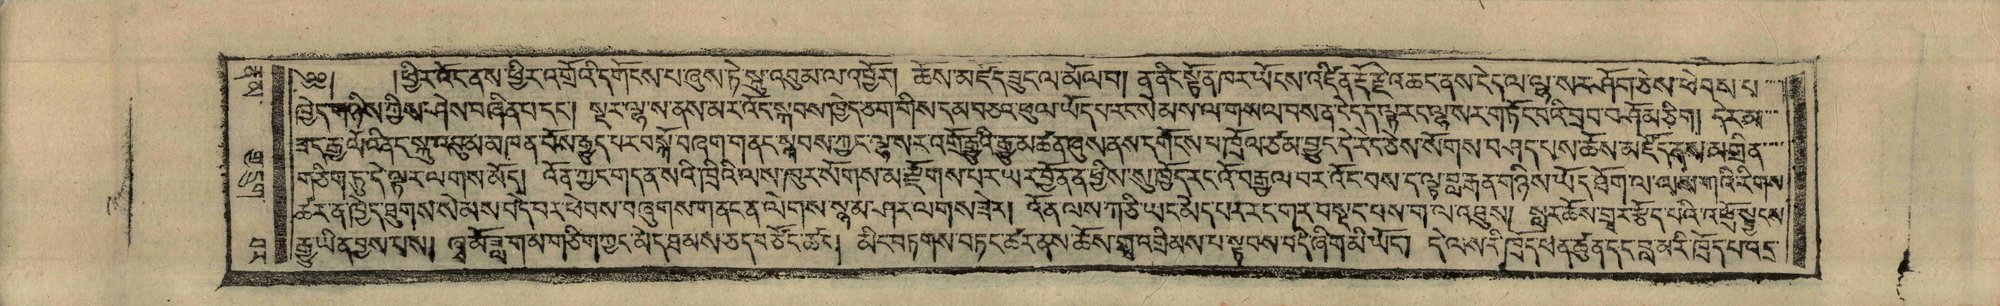༄༅། །ཕྱིར་འོང་ནས་ཕྱིར་འགྲོའི་དགོངས་པ་ཞུས་ཏེ་སྐུ་འབུམ་ལ་འབྱོར། ཆོས་མཛོད་ཟུང་ལ་མོལ་བ། ན་ནིང་སྟོན་ཁར་ཡོངས་འཛིན་རྡོ་རྗེ་འཆང་ནས་ངེད་ལ་ལྷ་སར་ཤོག་ཅེས་ཕེབས་པ་
ཁྱེད་གཉིས་ཀྱིས་ཤེས་བཞིན་པ་དང་། སྔར་ལྷ་ས་ནས་མར་འོང་སྐབས་ཁྱེད་ཅག་གིས་དམ་བཅའ་ཕུལ་ཡོད་པ་རང་སེམས་ལ་གསལ་བས་ན་ངེད་ད་ལྟ་རང་ལྷ་སར་གཏོང་བའི་གྲབ་བཤོམ་ཅིག །དེར་མ་
ཟད་རྒྱ་ལོའི་ནང་སྐུ་འབུམ་མཁན་པོས་རྒྱུད་པར་བསྐོ་བཞག་གནང་སྐབས་ཀྱང་ལྷ་སར་འགྲོ་རྒྱུའི་རྒྱུ་མཚན་ཞུས་ནས་དགོངས་པ་ཁྲོལ་ཙམ་བྱུང་དེ་རེད་ཅེས་སོགས་བཤད་པས་ཆོས་མཛོད་ནས་མགྲིན་
གཅིག་ཏུ་དེ་ལྟར་ལགས་མོད། འོན་ཀྱང་གདན་སའི་ཁྲིའི་ལས་ཁུར་སོགས་མ་རྫོགས་པར་ཡར་བྱོན་ན་ཕྱིས་སུ་ཁྱོད་རང་འོ་བརྒྱལ་བར་འོང་བས་ད་ལྟ་བླ་རྒན་གཉིས་ཡོད་ཐོག་ལ་ལས་ཀའི་རིགས་
ཚར་ན་ཁྱེད་ཐུགས་སེམས་བདེ་བར་ཕེབས་བཞུགས་གནང་ན་ལེགས་སྙམ་ཤར་ལགས་ཟེར། འོན་ལས་ཀ་ཅི་ཡང་མེད་པར་རང་གར་བསྡད་པས་ག་ལ་འཐུས། སླར་ཆོས་གྲྭར་རྩོད་པའི་འཕྲོ་སྦྱངས་
རྒྱུ་ཡིན་བྱས་པས། ཞྭ་མོ་ཟླ་གམ་གཅིག་ཀྱང་མེད་ཐམས་ཅད་བཙོང་ཚར། མིང་བཏགས་བཏང་ཚར་ནས་ཆོས་གྲྭ་འགྲིམས་པ་སྟབས་བདེ་ཞིག་མི་ཡོང་། དེ་ལས་རི་ཁྲོད་ཕན་ཚུན་དང་བླ་མ་རི་ཁྲོད་པ་འདྲ་